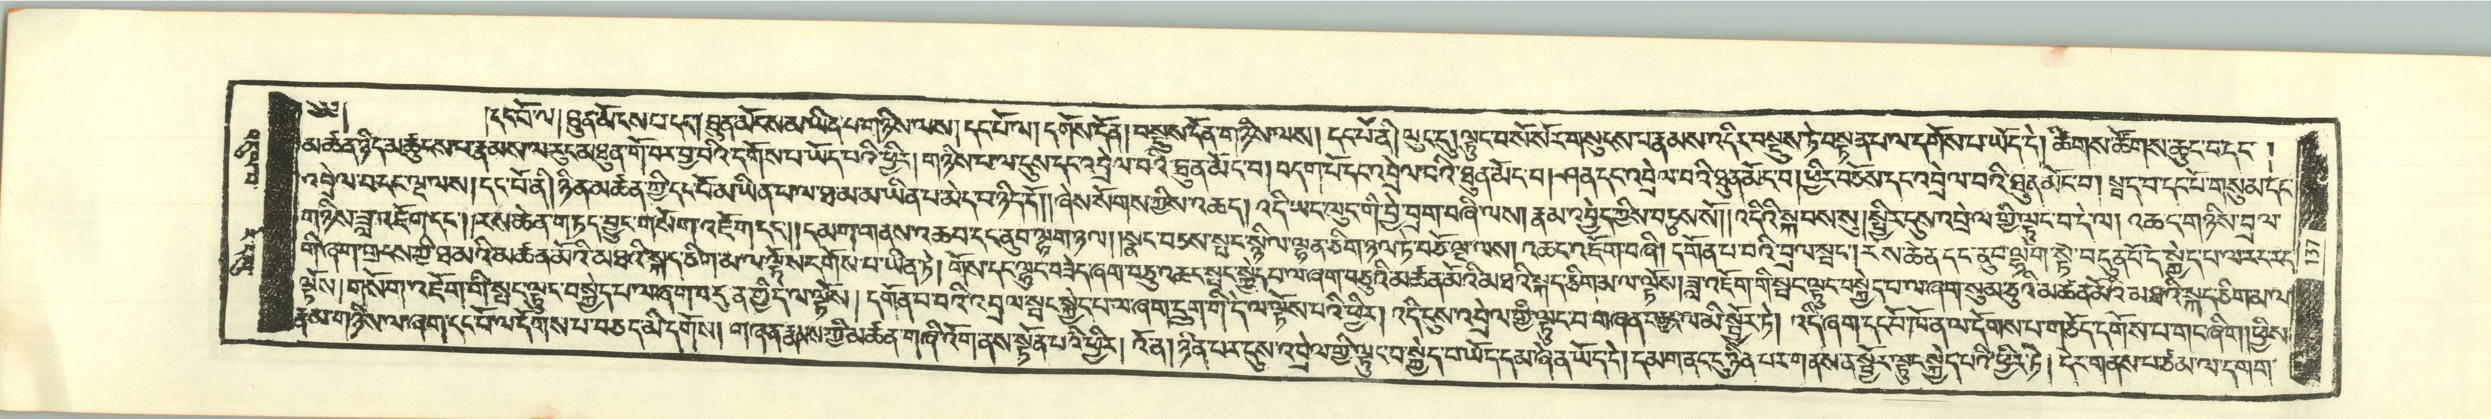༄༅། །དང་པོ་ལ། ཐུན་མོངས་པ་དང་། ཐུན་མོངས་མ་ཡིན་པ་གཉིས་ལས། དང་པོ་ལ། དགོས་དོན། བསྡུས་དོན་གཉིས་ལས། དང་པོ་ནི། ལུང་དུ། ལྟུང་བ་སོ་སོར་གསུངས་པ་རྣམས་འདིར་བསྡུས་ཏེ་བསྟན་པ་ལ་དགོས་པ་ཡོད་དེ། ཚིགས་ཚོགས་ཆུང་བ་དང་།
མཚན་ཉིད་མཚུངས་པ་རྣམས་ལ་རུང་མཐུན་གོ་བར་བྱ་བའི་དགོས་པ་ཡོད་པའི་ཕྱིར། གཉིས་པ་ལ་དུས་དང་འབྲེལ་བའི་ཐུན་མོང་བ། བདག་པོ་དང་འབྲེལ་བའི་ཐུན་མོང་བ། ཤན་དང་འབྲེལ་བའི་ཐུན་མོང་བ། ཕྱིར་བཅོས་དང་འབྲེལ་བའི་ཐུན་མོང་བ། སྦད་པ་དང་པོ་གསུམ་དང་
འབྲེལ་བ་དང་ལྔ་ལས། དང་པོ་ནི། ཉིན་མཚན་གྱི་དང་པོ་མ་ཡིན་པ་ལ་ཐ་མ་མ་ཡིན་པ་མེད་པ་ཉིད་དོ། །ཞེས་སོགས་ཀྱིས་འཆད། འདི་ཡང་ལུང་གི་བྱེ་བྲག་བཞི་ལས། རྣམ་འབྱེད་ཀྱིས་བཏུས་སོ། །འདིའི་སྐབས་སུ། སྤྱིར་དུས་འབྲེལ་གྱི་ལྟུང་བ་དེ་ལ། འཆད་གཉིས་བྲལ་
གཉིས་ཟླ་འཇོག་དང་། །རས་ཆེན་གཏད་བྱུང་གསོག་འཇོག་དང་། །དམག་གནས་འཆབ་དང་ནུབ་ལྷག་ཉལ། སྣང་བཅས་སྤང་སྙིལ་ལྷན་ཅིག་ཉལ་ཏེ་བཅོ་ལྔ་ལས། འཆད་འཇོག་བཞི། དགོན་བའི་བྲལ་སྦང་། རས་ཆེན་དང་ནུབ་ལྷག་སྟེ་བདུན་པོ་དེ་སྐྱེད་པ་ལ་རང་རང་
གི་ཞག་གྲངས་ཀྱི་ཐ་མའི་མཚན་མོའི་མཐའི་སྐད་ཅིག་མ་ལ་ལྟོས་དགོས་པ་ཡིན་ཏེ། གོས་དང་ལྷུང་བཟེད་ཞག་བཅུ་འཆད་སྤང་སྐྱེད་པ་ལ་ཞག་བཅུའི་མཚན་མོའི་མཐའི་སྐད་ཅིག་མ་ལ་ལྟོས། ཟླ་འཇོག་གི་སྤང་ལྟུང་བསྐྱེད་པ་ལ་ཞག་སུམ་ཅུའི་མཚན་མོའི་མཐའི་སྐད་ཅིག་མ་ལ་
ལྟོས། གསོག་འཇོག་གི་སྤང་ལྟུང་བསྐྱེད་པ་ལ་ཞག་བདུན་གྱི་དེ་ལ་ལྟོས། དགོན་པ་བའི་འབྲལ་སྤང་སྐྱེད་པ་ལ་ཞག་དྲུག་གི་དེ་ལ་ལྟོས་པའི་ཕྱིར། འདི་དུས་འབྲེལ་གྱི་ལྟུང་བ་གཞག་བརྒྱད་ལ་མི་སྦྱོར་ཏེ། འདི་ཞག་དང་པོ་ཁོ་ན་ལ་དོགས་པ་གཅོད་དགོས་པ་གང་ཞིག །ཕྱིས་
རྣམ་གཉིས་ལ་ཞག་དང་པོ་ལ་དོགས་པ་བཅད་མི་དགོས། གཞན་རྣམས་ཀྱི་མཚན་གཞི་འོག་ནས་སྟོན་པའི་ཕྱིར། འོ་ན། ཉིན་པར་དུས་འབྲེལ་གྱི་ལྟུང་བ་སྐྱེད་པ་ཡོད་དམ་ཞེ་ན་ཡོད་དེ། དམག་ནང་དུ་ཉིན་པར་གནས་ན་སྦྱོར་ལྟུང་སྐྱེད་པའི་ཕྱིར་ཏེ། དེར་གནས་པ་ཙམ་ལ་དགག་